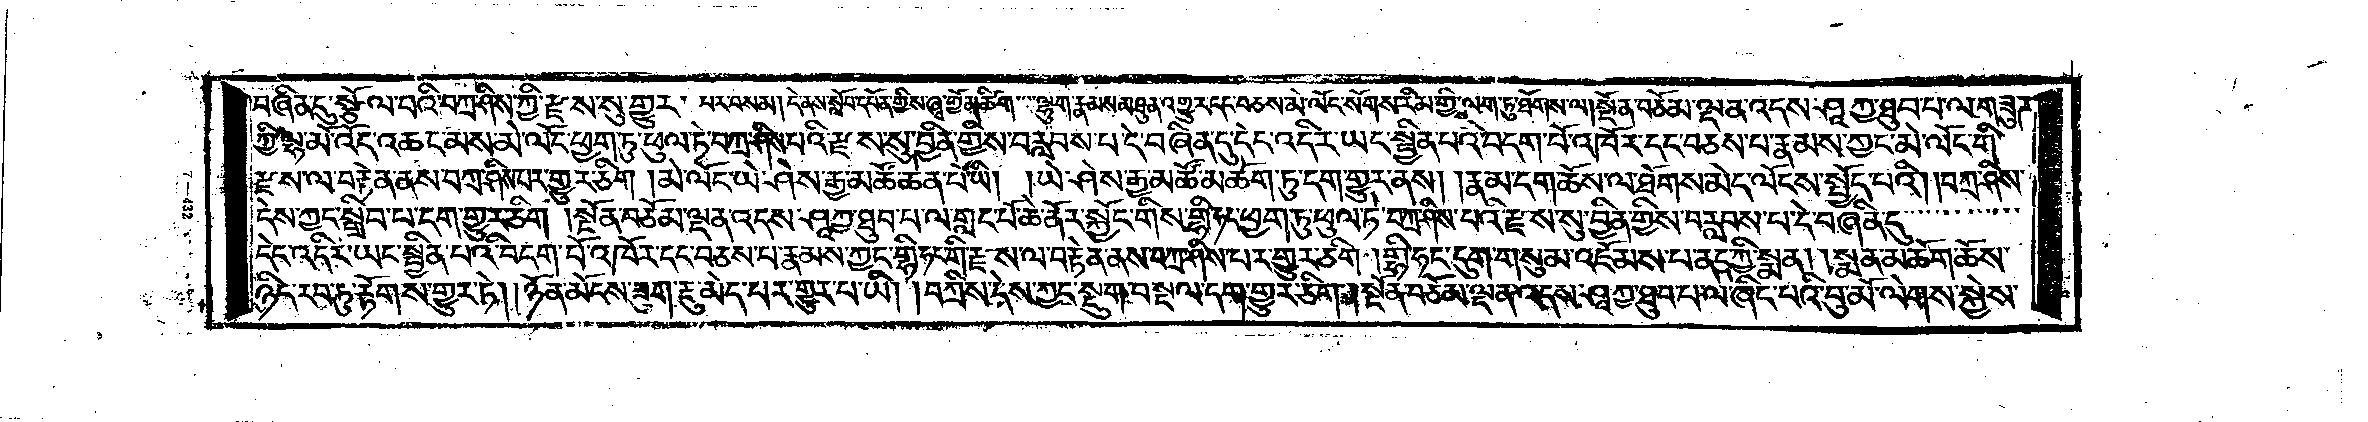བཞིན་དུ་སྩོལ་བའི་བཀྲ་ཤིས་ཀྱི་རྫས་སུ་གྱུར་པར་བསམ། དེ་ནས་སློབ་དཔོན་གྱིས་ཞྭ་གྱོན་།ཚིག་ལྷུག་རྣམས་མཐུན་འགྱུར་དང་བཅས་མེ་ལོང་སོགས་རིམ་གྱི་ལག་ཏུ་ཐོགས་ལ།  སྔོན་བཅོམ་ལྡན་འདས་ཤཱཀྱ་ཐུབ་པ་ལ་གཟུཌ་
ཀྱི་ལྷ་མོ་འོད་འཆང་མས་མེ་ལོང་ཕྱག་ཏུ་ཕུལ་ཏེ་བཀྲ་ཤིས་པའི་རྫས་སུ་བྱིན་གྱིས་བརླབས་པ་དེ་བཞིན་དུ་དེང་འདིར་ཡང་སྦྱིན་པའི་བདག་པོ་འཁོར་དང་བཅས་པ་རྣམས་ཀྱང་མེ་ལོང་གི་
རྫས་ལ་བརྟེན་ནས་བཀྲིས་པར་གྱུར་ཅིག །མེ་ལོང་ཡེ་ཤེས་རྒྱ་མཚོ་ཆེན་པོ་ཡི། །ཡེ་ཤེས་རྒྱ་མཚོ་མཆོག་ཏུ་དག་གྱུར་ནས། །རྣམ་དག་ཆོས་ལ་ཐོགས་མེད་ལོངས་སྤྱོད་པའི། །བཀྲིས་
དེས་ཀྱང་སྒྲིབ་པ་དག་གྱུར་ཅིག །སྔོན་བཅོམ་ལྡན་འདས་ཤཱཀྱ་ཐུབ་པ་ལ་གླང་པོ་ཆེ་ནོར་སྐྱོང་གིས་གྷི་ཧང་ཕྱག་ཏུ་ཕུལ་ཏེ་བཀྲ་ཤིས་པའི་རྫས་སུ་བྱིན་གྱིས་བརླབས་པ་དེ་བཞིན་དུ་
དེང་འདིར་ཡང་སྦྱིན་པའི་བདག་པོ་འཁོར་དང་བཅས་པ་རྣམས་ཀྱང་གྷི་ཧང་གི་རྫས་ལ་བརྟེན་ནས་བཀྲ་ཤིས་པར་གྱུར་ཅིག །གྷི་ཧང་དུག་གསུམ་འཇོམས་པ་ནད་ཀྱི་སྨན། །སྨན་མཆོག་ཆོས་
ཉིད་རབ་ཏུ་རྟོགས་གྱུར་ཏེ། །ཉོན་མོངས་ཟུག་རྡུ་མེད་པར་གྱུར་པ་ཡི། །བཀྲིས་དེས་ཀྱང་སྡུག་བསྔལ་དག་གྱུར་ཅིག །སྔོན་བཅོམ་ལྡན་འདས་ཤཱཀྱ་ཐུབ་པ་ལ་ཞིང་པའི་བུ་མོ་ལེགས་སྐྱེས་